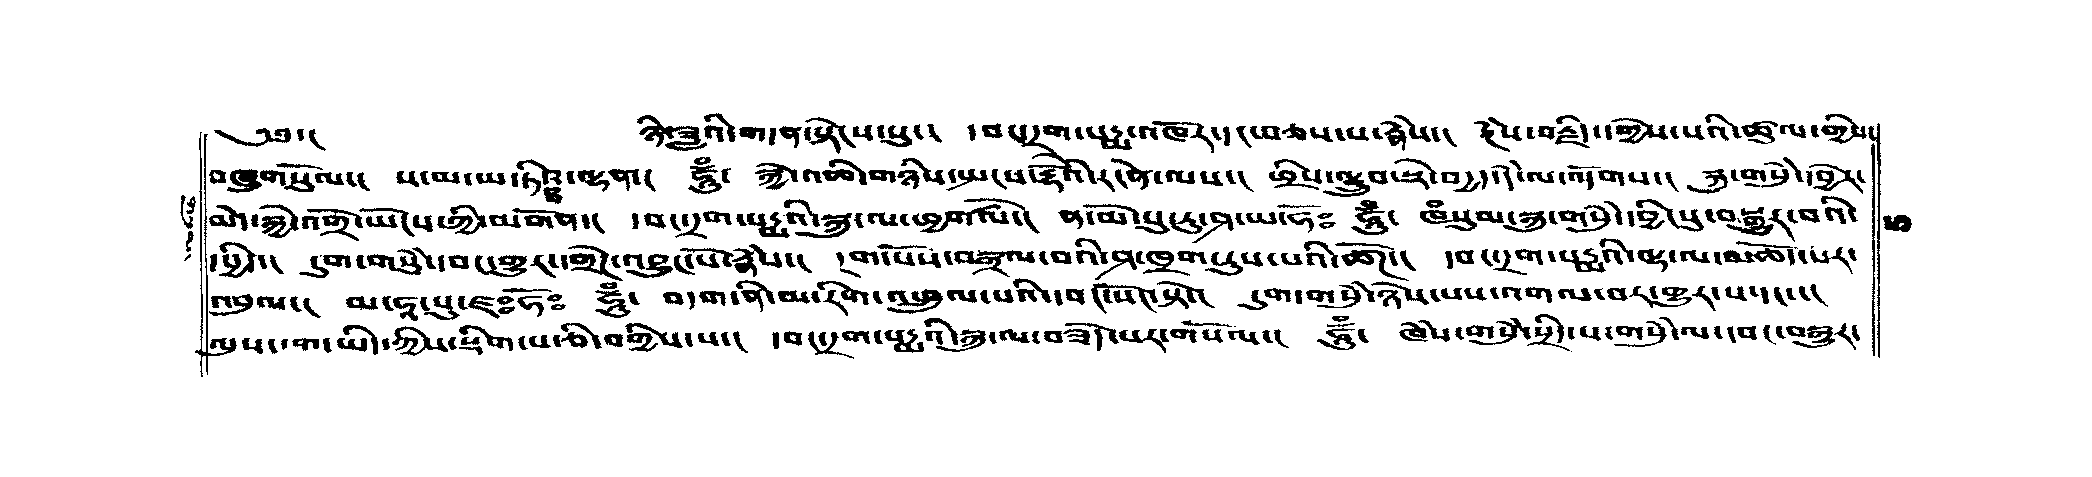ཉི་ཟླའི་གདན་སྟེང་དུ། །དབང་དྲག་པདྨ་འཁོར་དང་བཅས་པ་རྣམས། །རྔམ་བརྗིད་དགྱེས་པའི་ཚུལ་གྱིས་
བཞུགས་སུ་གསོལ། །ས་མ་ཡ་ཏིཥྠ་ལྷན། ཧཱུྃ། སྐྱེ་འཆི་གཉིས་སྤངས་རྡོ་རྗེའ་རང་བཞིན་ལས། །ཕྲིན་ལས་ལྷུན་གྲུབ་སྡེ་བརྒྱད་དམ་ལ་འདོགས། །སྐུ་གསུམ་དབྱེར་
མེད་སྐྱེ་འགྲོ་ཡོངས་ཀྱི་མགོན། །དབག་དྲག་པདྨའི་སྐུ་ལ་ཕྱག་འཚལ་ལོ། །ན་མོ་པུ་རུ་ཤ་ཡ་ཧོཿ ཧཱུྃ། ཁམས་གསུམ་སྐུ་གསུམ་དབྱིངས་སུ་བསྒྱུར་བའི་
དཔྱིད། །དུག་གསུམ་དབང་བསྒྱུར་དགྲ་བགེགས་འབྱུང་པོ་རྣམས། །དྲག་པོས་བསྒྲལ་བའི་ཤ་ཁྲག་རུས་པའི་ཚོགས། །དབང་དྲག་པདྨའི་ལྷ་ལ་མཆོད་པར་
འབུལ། ། མ་ཧཱ་པུ་ཛཿཧོཿ ཧཱུྃ། བདག་ནི་མ་རིག་འཁྲུལ་བའི་དབང་སོང་སྟེ། །དུག་གསུམ་ཉེས་པས་འགལ་བར་གྱུར་པ་དང་། །
ལུས་ངག་ཡིད་ཀྱིས་སྡིག་པ་ཅི་བགྱིས་པ། །དབང་དྲག་པདྨའི་སྐུ་ལ་བཟོད་པར་གསོལ། ། ཧཱུྃ། ཁམས་གསུམ་སྲིད་པ་གསུམ་ལ་དབང་བསྒྱུར་